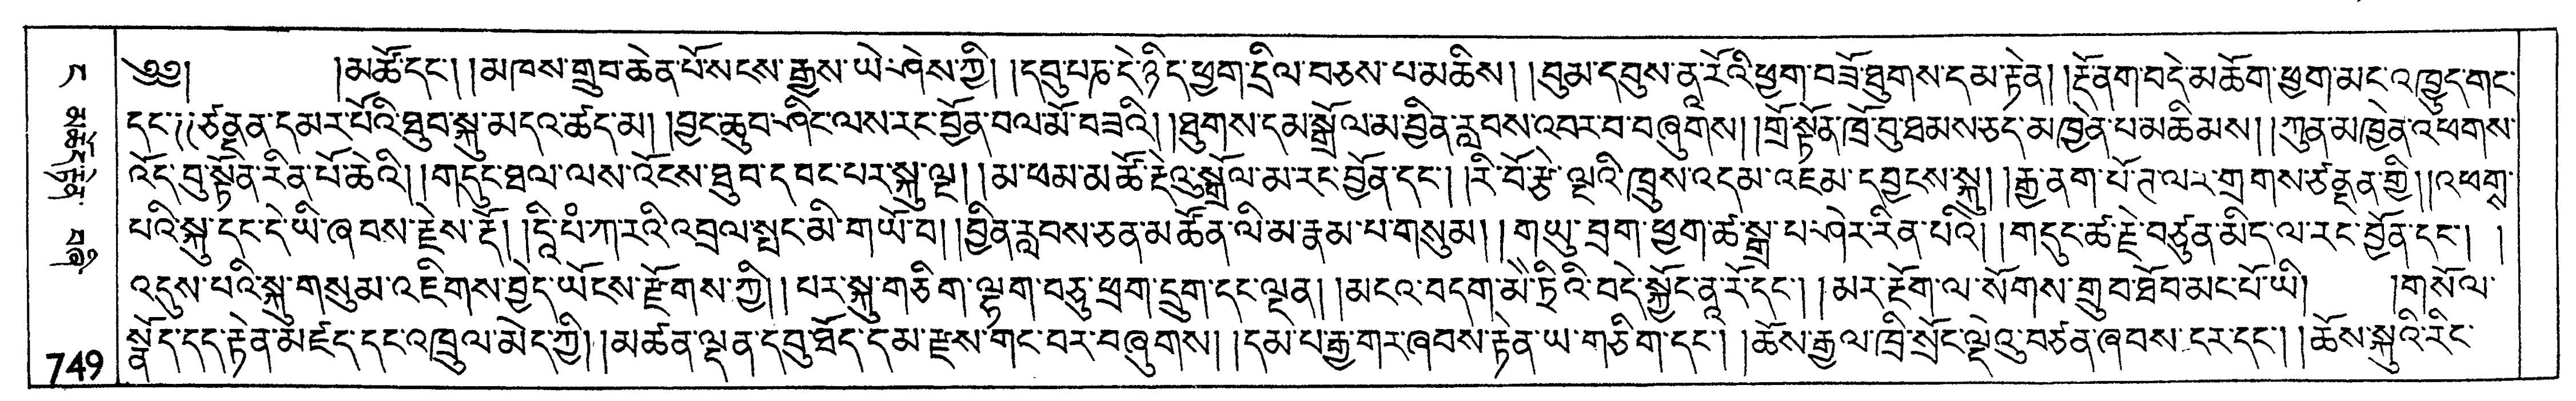༄༅། །མཚོ་དང་། །མཁས་གྲུབ་ཆེན་པོ་སངས་རྒྱས་ཡེ་ཤེས་ཀྱི། །དབུ་པཎ་དེ་ཉིད་ཕྱག་དྲིལ་བཅས་པ་མཆིས། །བུམ་དབུས་ནཱ་རོའི་ཕྱག་བཟོ་ཐུགས་དམ་རྟེན། །རྡོ་ནག་བདེ་མཆོག་ཕྱག་མང་འཁྱུད་གང་
དང་། །ཙནྡན་དམར་པོའི་ཐུབ་སྐུ་མདའ་ཚད་མ། །བྱང་ཆུབ་ཤིང་ལས་རང་བྱོན་བལ་མོ་བཟའི། །ཐུགས་དམ་སྒྲོལ་མ་བྱིན་རླབས་འབར་བ་བཞུགས། །གྲོ་སྟོན་ཁྲོ་བུ་ཐམས་ཅད་མཁྱེན་པ་མཆིམས། །ཀུན་མཁྱེན་འཕགས་
འོད་བུ་སྟོན་རིན་པོ་ཆེའི། །གདུང་ཐལ་ལས་འོངས་ཐུབ་དབང་པར་སྐུ་ལྔ། །མ་ཕམ་མཚོ་རྡེའུ་སྒྲོལ་མ་རང་བྱོན་དང་། །རི་བོ་རྩེ་ལྔའི་ཁྲུས་འདམ་འཇམ་དབྱངས་སྐུ། །རྒྱ་ནག་པོ་ཊ་ལར་གྲགས་ཙནྡན་གྱི། །འཕགས་
པའི་སྐུ་དང་དེ་ཡི་ཞབས་རྗེས་རྡོ། །དཱི་པཾ་ཀ་རའི་འབྲལ་སྤང་མི་གཡོ་བ། །བྱིན་རླབས་ཅན་མཚོན་ལི་མ་རྣམ་པ་གསུམ། །གཡུ་བྲག་ཕྱག་ཚ་སྒྲ་པ་ཤེར་རིན་པའི། །གདུང་ཚ་རྗེ་བཙུན་མིད་ལ་རང་བྱོན་དང་། །
འདུས་པའི་སྐུ་གསུམ་འཇིགས་བྱེད་ཡོངས་རྫོགས་ཀྱི། །པར་སྐུ་གཅིག་ལྷག་བཅུ་ཕྲག་དྲུག་དང་ལྡན། །མངའ་བདག་མཻ་ཏྲིའི་བདེ་སྐྱོང་ནཱ་རོ་དང་། །མར་རྔོག་ལ་སོགས་གྲུབ་ཐོབ་མང་པོ་ཡི། །གསོལ་
སྣོད་དད་རྟེན་མཛད་དང་འཁྲུལ་མེད་ཀྱི། །མཚན་ལྡན་དབུ་ཐོད་དམ་རྫས་གང་བར་བཞུགས། །དམ་པ་རྒྱ་གར་ཞབས་རྟེན་ཡ་གཅིག་དང་། །ཆོས་རྒྱལ་ཁྲི་སྲོང་ལྡེའུ་བཙན་ཞབས་ངར་དང་། །ཆོས་སྐུའི་རིང་